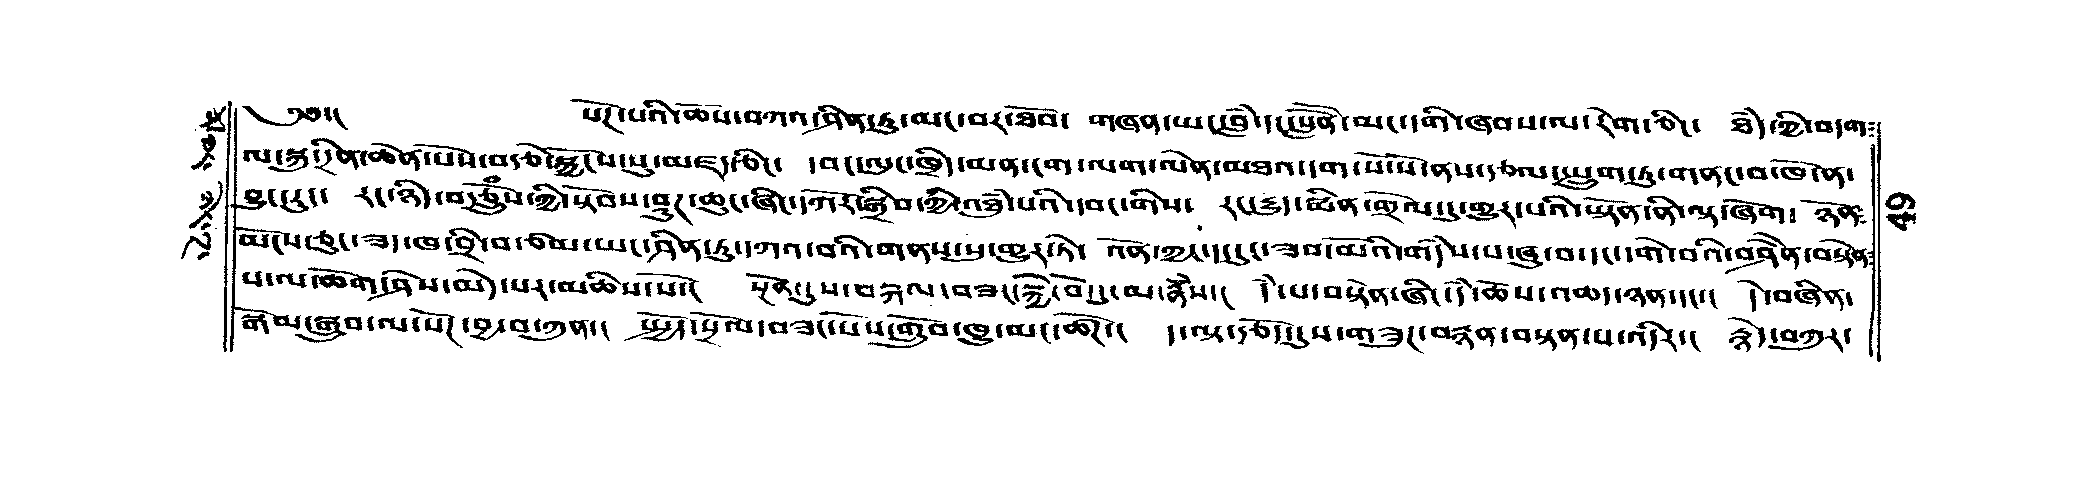སོགས་པའི་ཆོས་བཀའ་ཤིན་ཏུ་མང་བར་ཐོབ། གཞན་ཡང་བླ་མ་དང་སློབ་དཔོན་མང་དག་གི་ཞབས་ལ་རེག་ཅིང་། ཐམས་ཅད་ཀྱི་བདག་
ལ་སྐུ་དྲིན་ཆེན་པོས་བརྩེ་བསྐྱངས་སུ་མཛད་ཅིང་། དབང་ལུང་ཁྲིད་མན་ངག་ལག་ལེན་མཐའ་དག་སོ་སོ་ནས་རྩལ་སྤྲུགས་སུ་གནང་བ་ཁོ་ན་
བྱུང་རུང་། རང་ཉིད་བརྩོན་འགྲུས་ཀྱི་སྟོབས་ཤུགས་ཆུང་ཞིང་དཀོར་སྒྲིབ་ཀྱི་འཐུམས་པའི་དབང་གིས། རང་རྒྱུད་སྨིན་གྲོལ་དུ་གྱུར་པའི་ཡོན་ཏན་ནི་ལྟ་ཞོག ཉོན་
མོངས་ཅུང་ཟད་ཁ་བྲི་བ་ཙམ་ཡང་ཤིན་ཏུ་དཀའ་བའི་གནས་སུ་གྱུར་ཏེ། །འོན་ཀྱང་ད་དུང་ཟབ་མོའི་གདམས་པ་ཞུ་བ་དང་དགེ་བའི་བཤེས་གཉེན་བསྟེན་
པ་ལ་ཆོག་ཤེས་མེད་པར་མཆིས་སོ། སྔོན་དུས་སྐལ་བཟང་སྐྱེ་བོ་དུ་མ་རྣམས། །དམ་པ་བསྟེན་ཞིང་དམ་ཆོས་འཆད་ཉན་དང་། །དེ་བཞིན་
སྒོམ་སྒྲུབ་ལ་སོགས་བྱ་བ་ཀུན། །སྤྱོད་སྲོལ་བཟང་པོས་གྲུབ་ཐོབ་ཁྱུ་མང་ཚོགས། །ད་ལྟ་རྩོད་དུས་གཟུགས་བརྙན་བསྟན་པ་འདིར། །རྙེད་བཀུར་